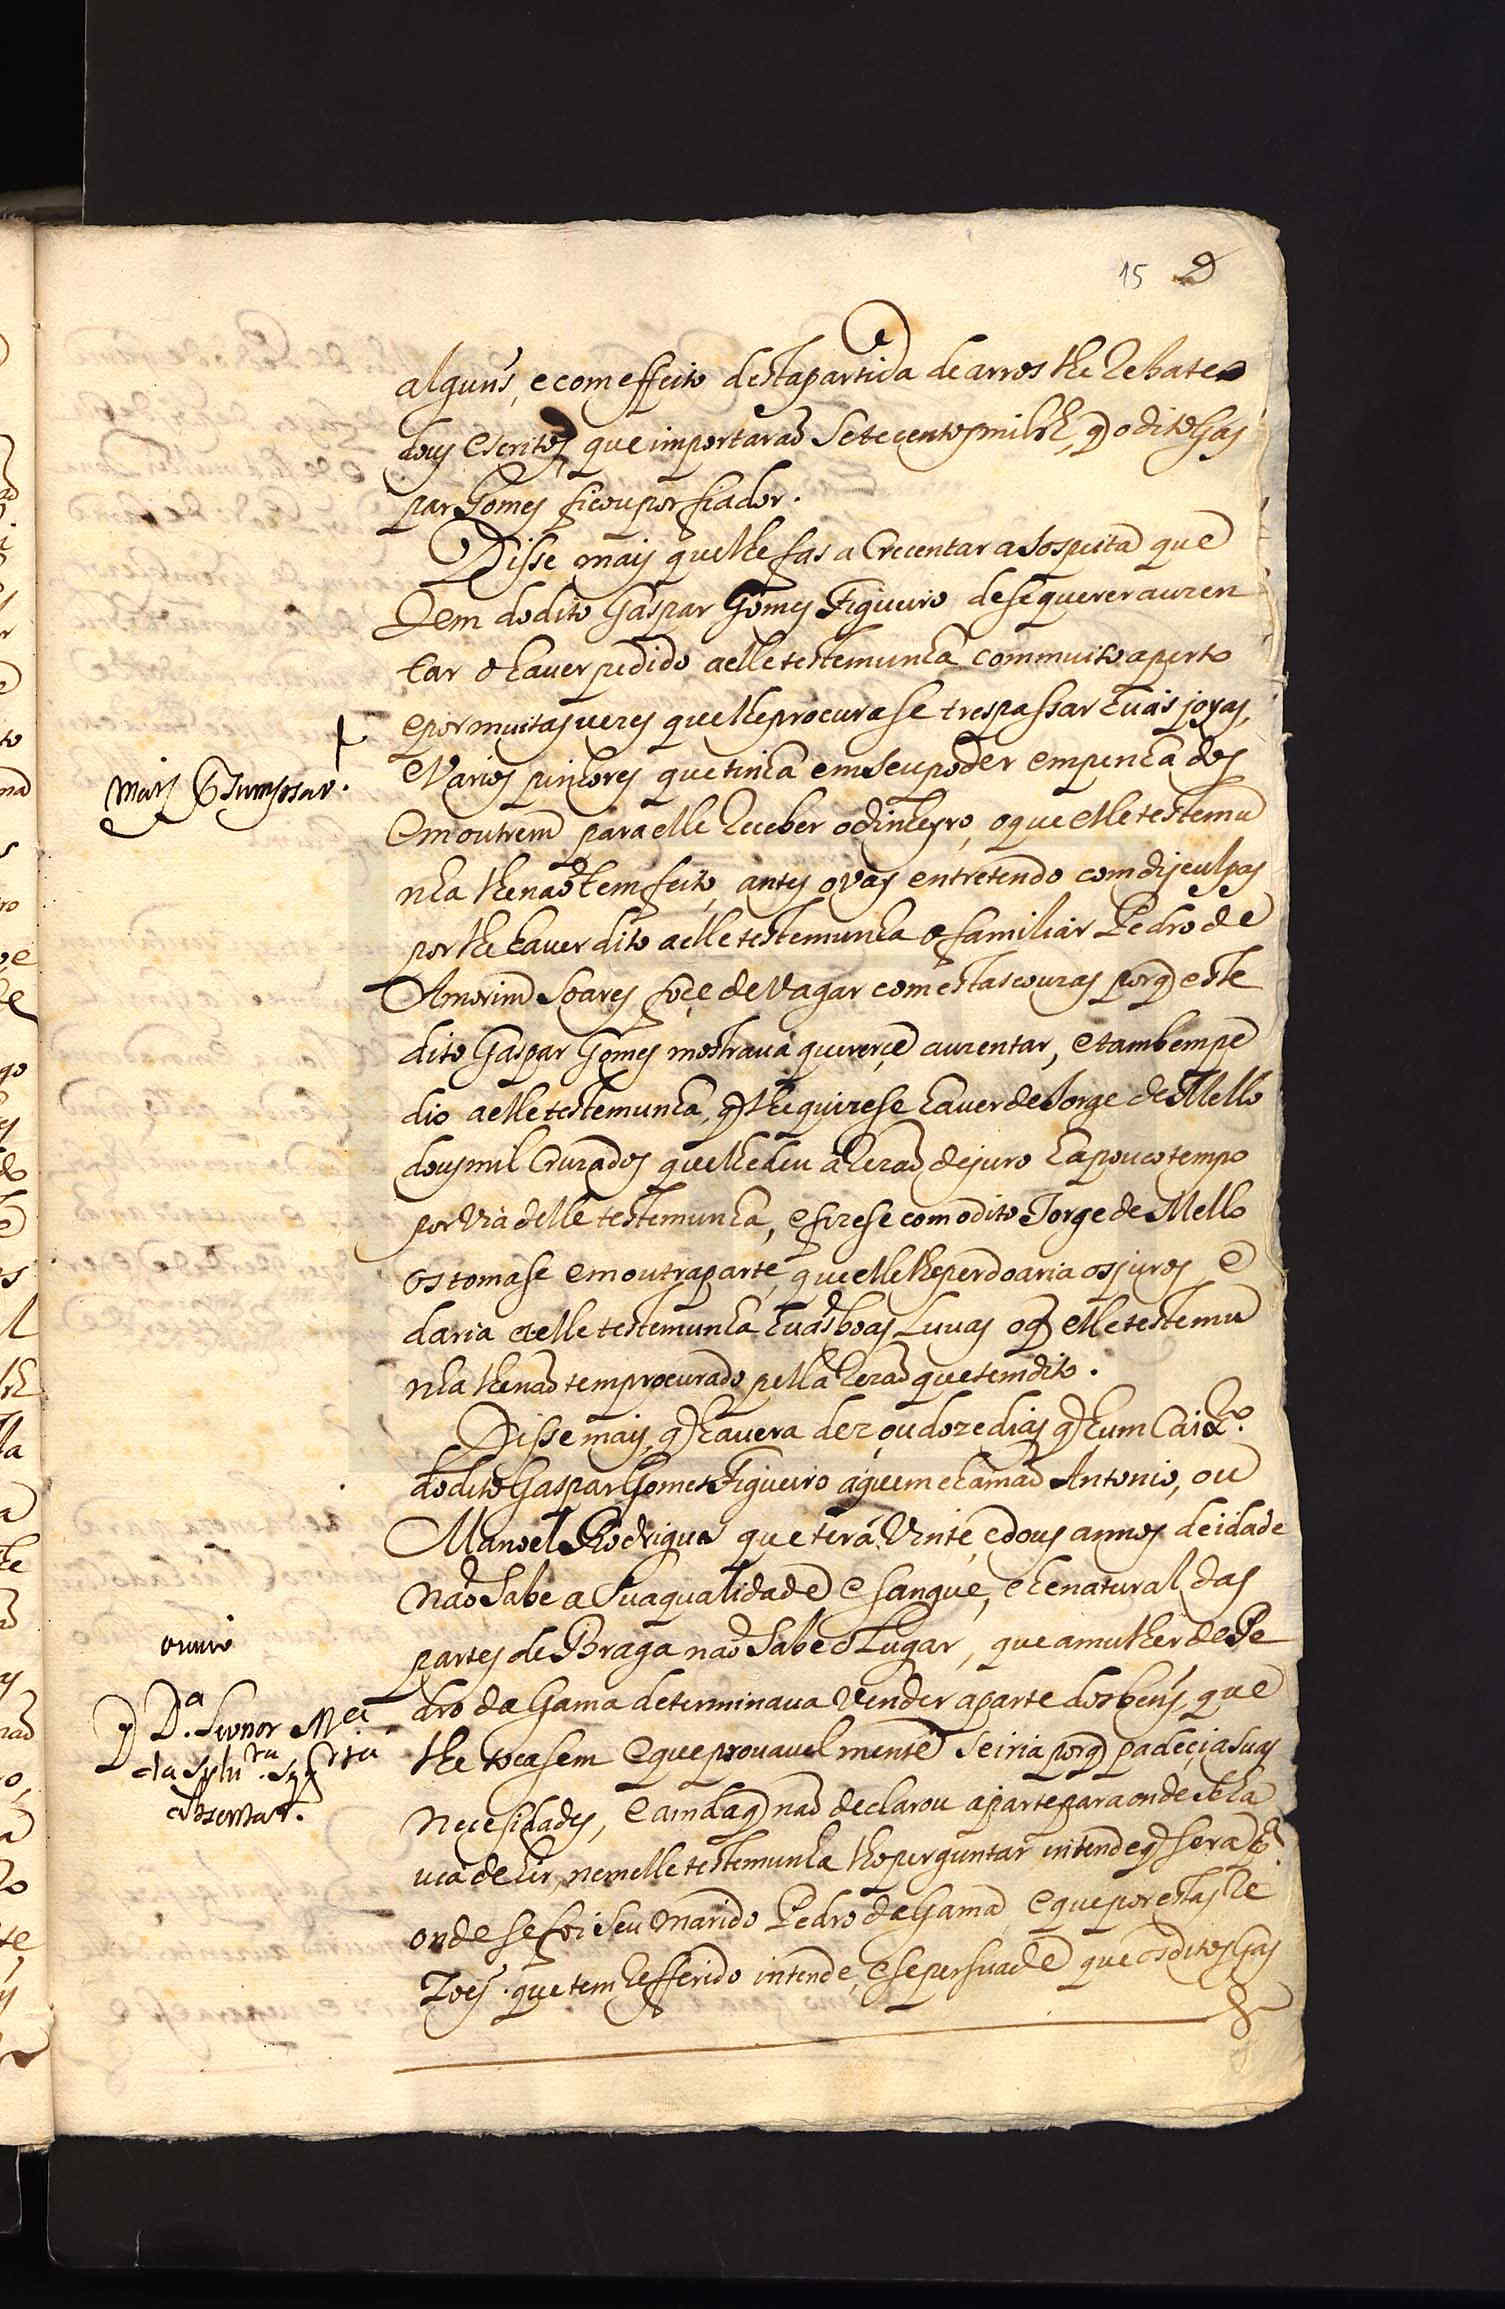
mais p̄sumpsar̄.
ouuio
q D.a Leonor M.a
da Sylu.ra se q̄ria
abzentar.
algun̄s, e com effeito desta partida de arros lhe Rebateo
dous escritos, que importaraõ setecentos mil rs̄, q̄ o dito Gas
par Gomes ficou por fiador.
Disse mais que lhe fas aCrecentar a sospeita que
tem do dito Gaspar Gomes Figueiro de se querer auzen
tar o hauer pedido a elle testemunha com muito aperto
e por muitas uezes que lhe procurase trespassar huas joyas,
e Varios pinhores que tinha em seu poder empenhados
em outrem para elle Receber o dinheyro, o que elle testemu
nha lhe naõ tem feito, antes o vay entretendo com disculpas
por lhe hauer dito a elle testemunha o familiar Pedro de
Amorim Soares foçe devagar com estas couzas porq̄ este
dito Gaspar Gomes mostraua quererçe auzentar, e tambem pe
dio a elle testemunha, q̄ lhe quizese hauer de Jorge de Mello
dous mil cruzados que lhe deu a Rezaõ de juro ha pouco tempo
por via delle testemunha, e fizese com o dito Jorge de Mello
os tomase em outra parte, que elle lhe perdoaria os juros e
daria a elle testemunha huās boas Luuas o q̄ elle testemu
nha lhe naõ tem procurado pella Rezaõ que tem dito.
Disse mais, q̄ hauera dez ou doze dias q̄ hum caixro.
do dito Gaspar Gomes Figueiro a quem chamaõ Antonio, ou
Manoel Rodrigues que terá vinte, e dous annos de idade
naõ sabe a sua qualidade e sangue, e he natural das
partes de Braga, naõ sabe o Lugar, que a mulher de Pe
dro da Gama determinaua vender a parte dos ben̄s, que
lhe tocasem e que prouauelmente se iria porq̄ padecia suas
necesidades, e ainda q̄ naõ declarou a parte para onde se ha
uia de hir, nem elle testemunha lho perguntar intende q̄ sera pa.
onde se foi seu marido Pedro da Gama, e que por estas Re
Zoẽs que tem Refferido intende, e se persuade que os ditos Gas
